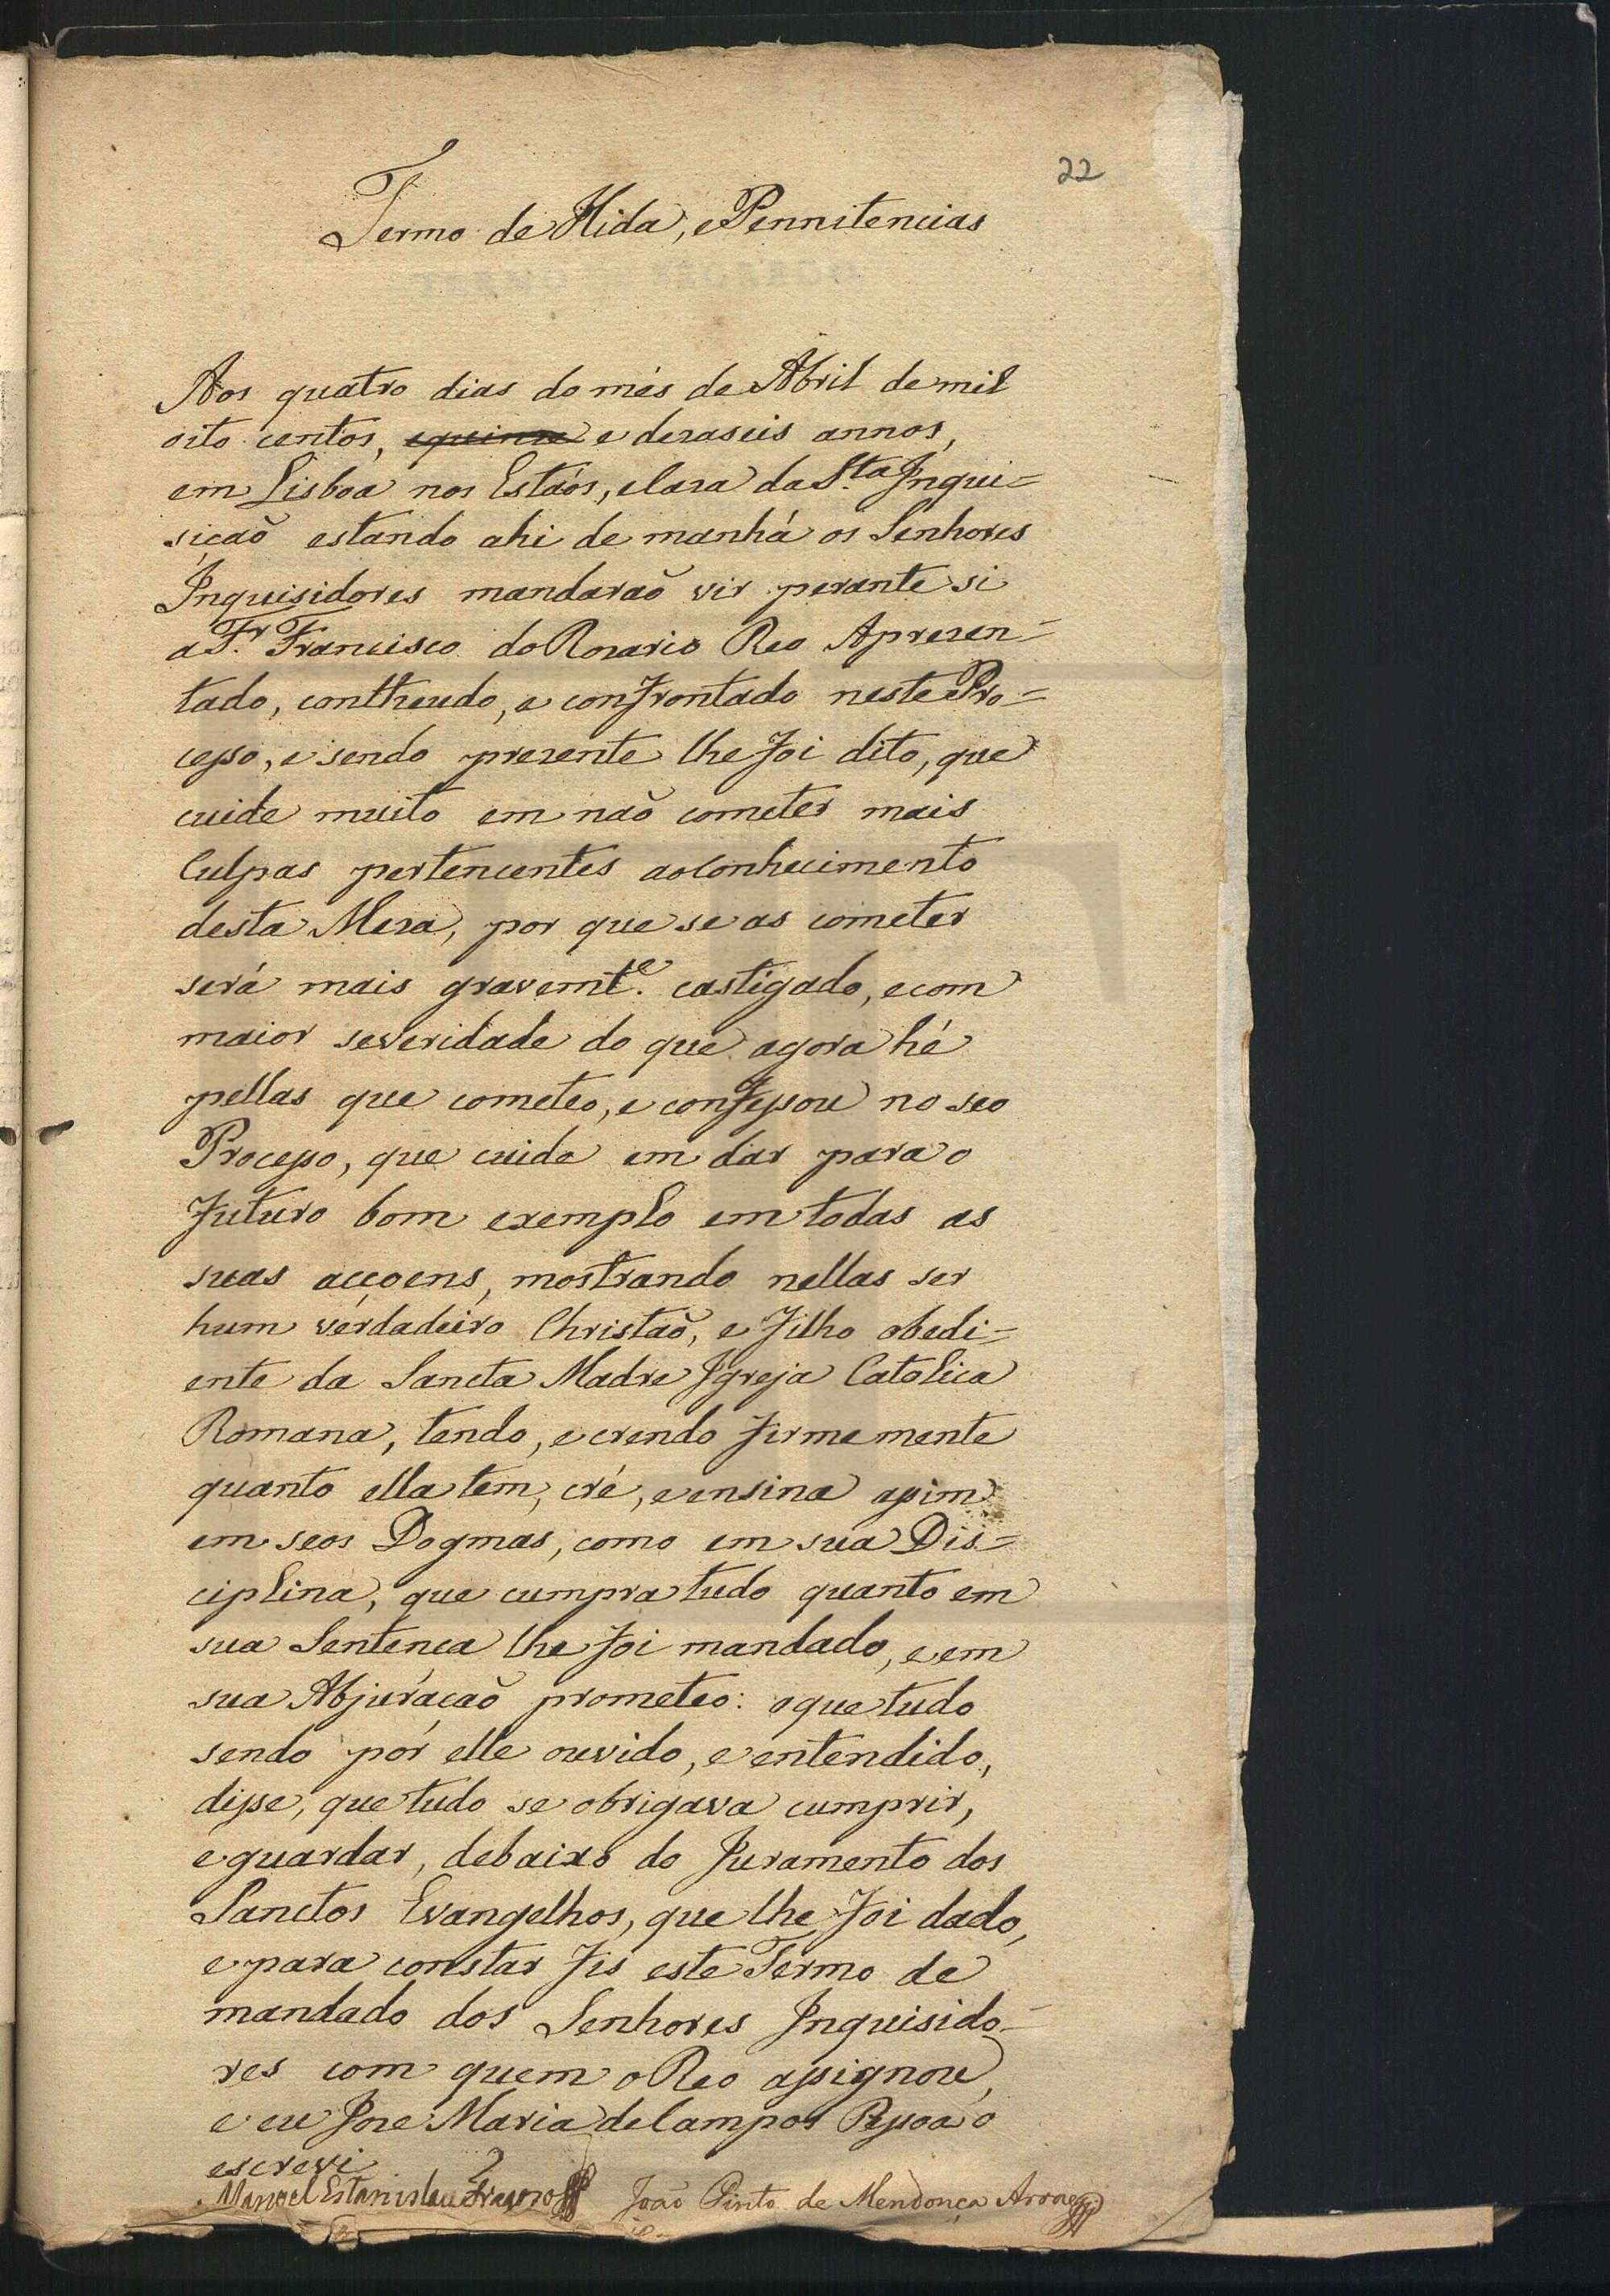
Termo de Hida, e Pennitencias
Aos quatro dias do més de Abril de mil
oito centos, e quinze e dezaseis annos,
em Lisboa nos Estaõs, e Caza da S.ta Jnqui
siçaõ estando ahi de manhã os Senhores
Inquisidores mandaraõ vir perante si
a Fr. Francisco do Rozario Reo Aprezen
tado, contheudo, a confrontado neste Pro
cesso, e sendo prezente lhe foi dito, que
cuide muito em naõ cometer mais
Culpas pertencentes ao conhecimento
desta Meza, por que se as cometer
será mais gravemt.e castigado, e com
maior severidade do que agora hé
pellas que cometeo, e confessou no seo
Processo, que cuide em dar para o
futuro bom exemplo em todas as
suas acçoens, mostrando nellas ser
hum verdadeiro Christaõ, e filho obedi
ente da Sancta Madre Jgreja Catolica
Romana, tendo, e crendo firmemente
quanto ella tem, cré e ensina assim
em seos Dogmas, como em sua Dis
ciplina, que cumpra tudo quanto em
sua Sentença lhe foi mandado, e em
sua Abjuraçaõ prometeo: o que tudo
sendo por elle ouvido, e entendido,
disse, que tudo se obrigava cumprir,
e guardar, debaixo do Juramento dos
Sanctos Evangelhos, que lhe foi dado,
e para constar fis este Termo de
mandado dos Senhores Jnquisido
res com quem o Reo assignou
e eu Joze Maria de Campos Pessoa o
escrevi
Manoel Estanislau Fragoso Joaõ Pinto de Mendonça Arraes
